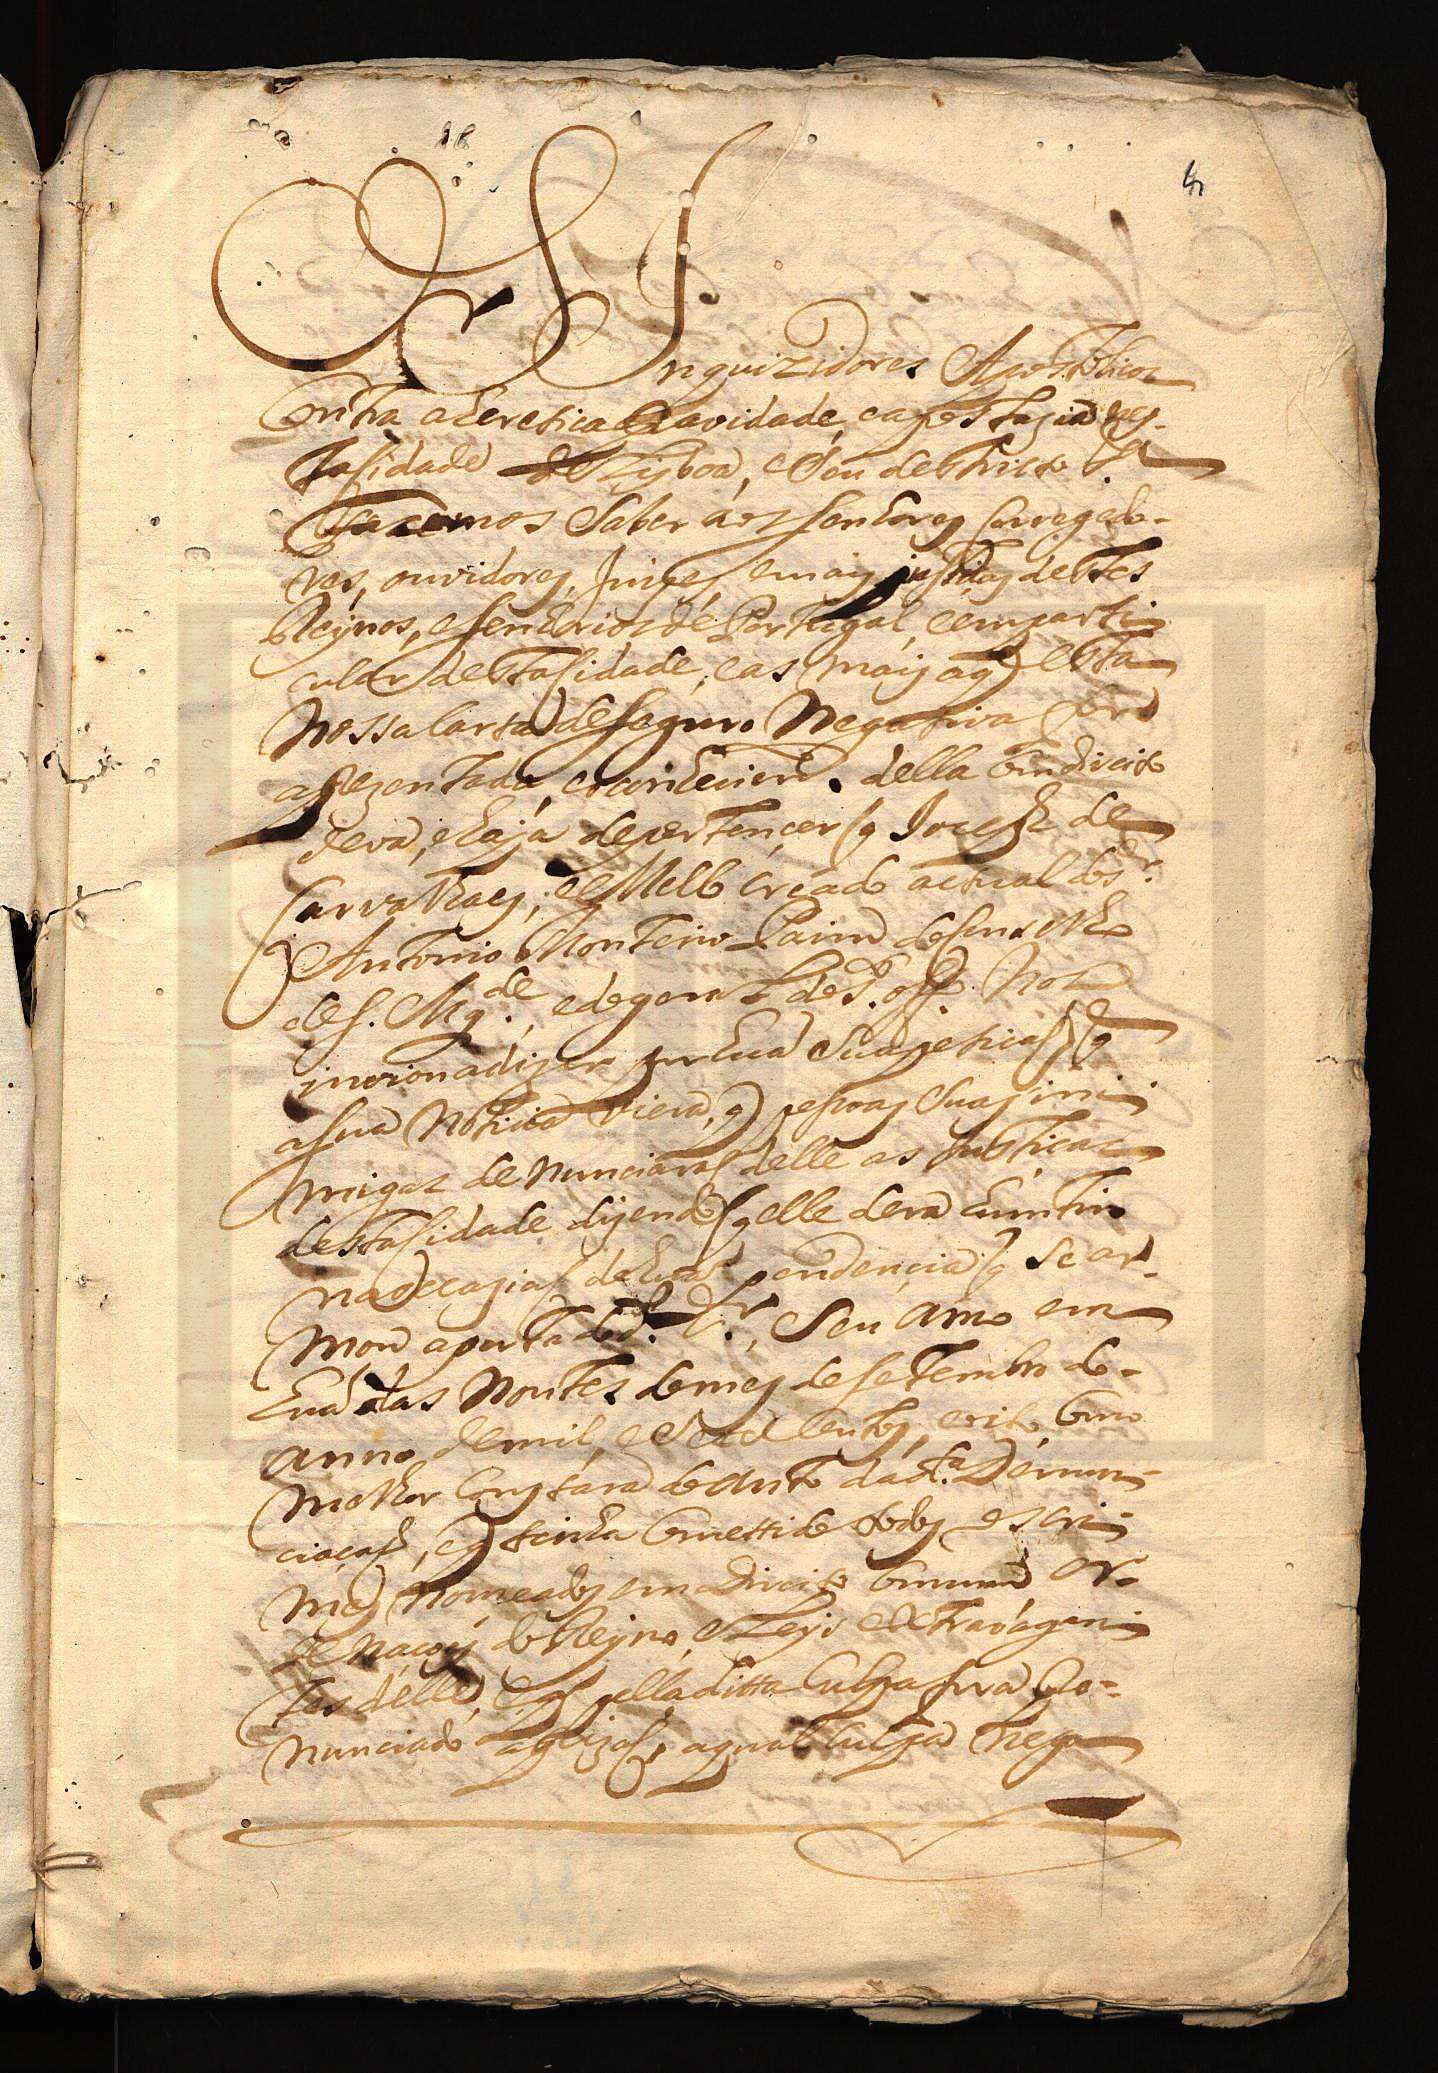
OS Inquizidores Apostolicos
Contra a heretica pravidade, e apostasia nes
ta Cidade de Lisboa, e Seu destricto &.a
Fazemos Saber aos senhores Corregedo
res, ouvidores, Juizes, e mais justiças destes
Reynos, e senhorios de Portugal, e em parti
cular desta Cidade, e as mais a q̄ esta
Nossa Carta de seguro Negativa for
aprezentada, e o conhecimto. della com direito
deva, e haja de pertencer q̄ Iozeph de
Carvalhaes; e Mello creado actual do sor.
Antonio Monteiro Paim do Conselho
de s. Mg.de, e do geraL do s.to off.o Nos
inviou a dizer por huā sua petiçaõ q̄
a sua noticia viera, q̄ pessoas suas ini
migas denunciaraõ delle as Iustiças
desta Cidade dizendo q̄ elle dera hum tiro
na occaziaõ de huā pendençia q̄ se ar
mou a porta do d.o s.or seu amo em
huā das noutes do mes de setembro do
anno de mil, e setecentos, e oito, Como
melhor Constara do auto da d̄.a Denun
ciaçaõ, e q̄ tinha Comettido todos os cri
mes nomeados em direito comum or
denaçoẽs do Reyno, e Leys extravagan
tes delle, e q̄ pella ditta Culpa fora pro
nunciado a prizaõ, a qual culpa nega
